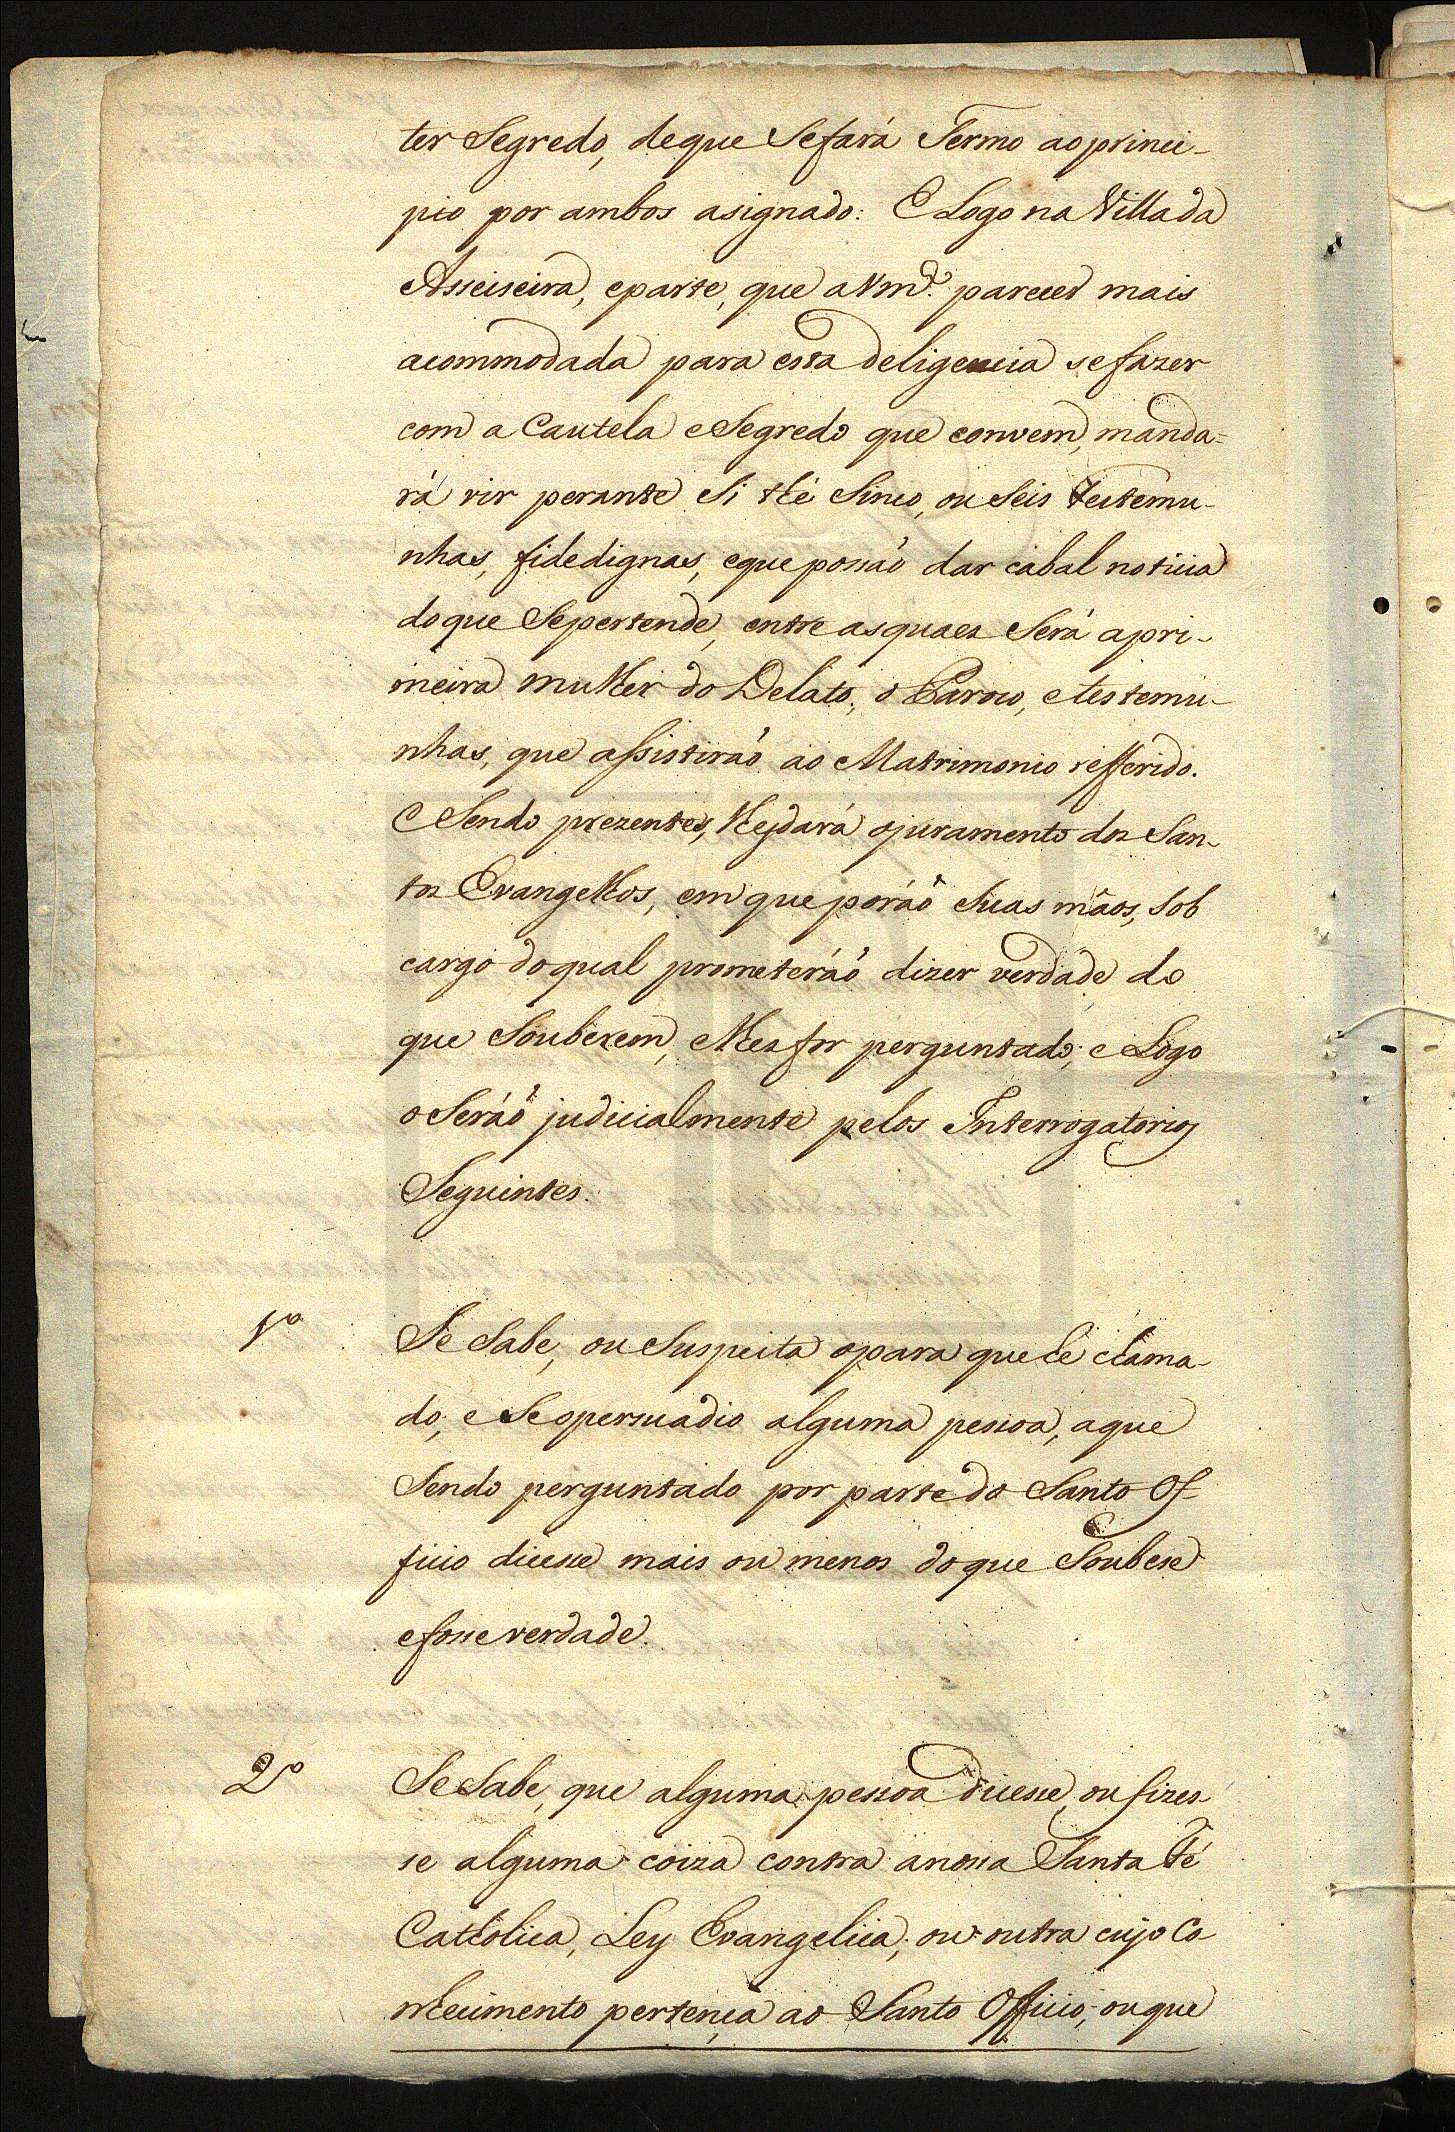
1.o
2o
ter Segredo, de que se fará Termo ao princi
pio por ambos asignado: E Logo na Villa da
Asseiseira, e parte, que a v m.e parecer mais
acommodada para esta deligencia se fazer
com a cautela e Segredo que convem, manda
rá vir perante Si thé Sinco, ou Seis Testemu
nhas, fidedignas, e que possaõ dar cabal noticia
do que Se pertende, entre as quaes Será a pri
meira mulher do Delato, o Paroco, e testemu
nhas, que assistiraõ ao Matrimonio refferido.
e Sendo prezentes, lhes dará o juramento dos San
tos Evangelhos, em que poraõ Suas mãos, sob
cargo do qual prometeraõ dizer verdade do
que Souberem, e lhes for perguntado; e Logo
o Seraõ judicialmente pelos Interrogatorios
Seguintes.
Se sabe, ou suspeita o para que he chama
do, e se o persuadio alguma pessoa, a que
sendo perguntado por parte do Santo Of
ficio dicesse mais ou menos do que Soubese
e fosse verdade.
Se sabe, que alguma pessoa dicesse, ou fizes
se alguma coiza contra a nossa Santa Fé
Catholica, Ley Evangelica, ou outra cujo co
nhecimento pertença ao Santo Officio, ou que
